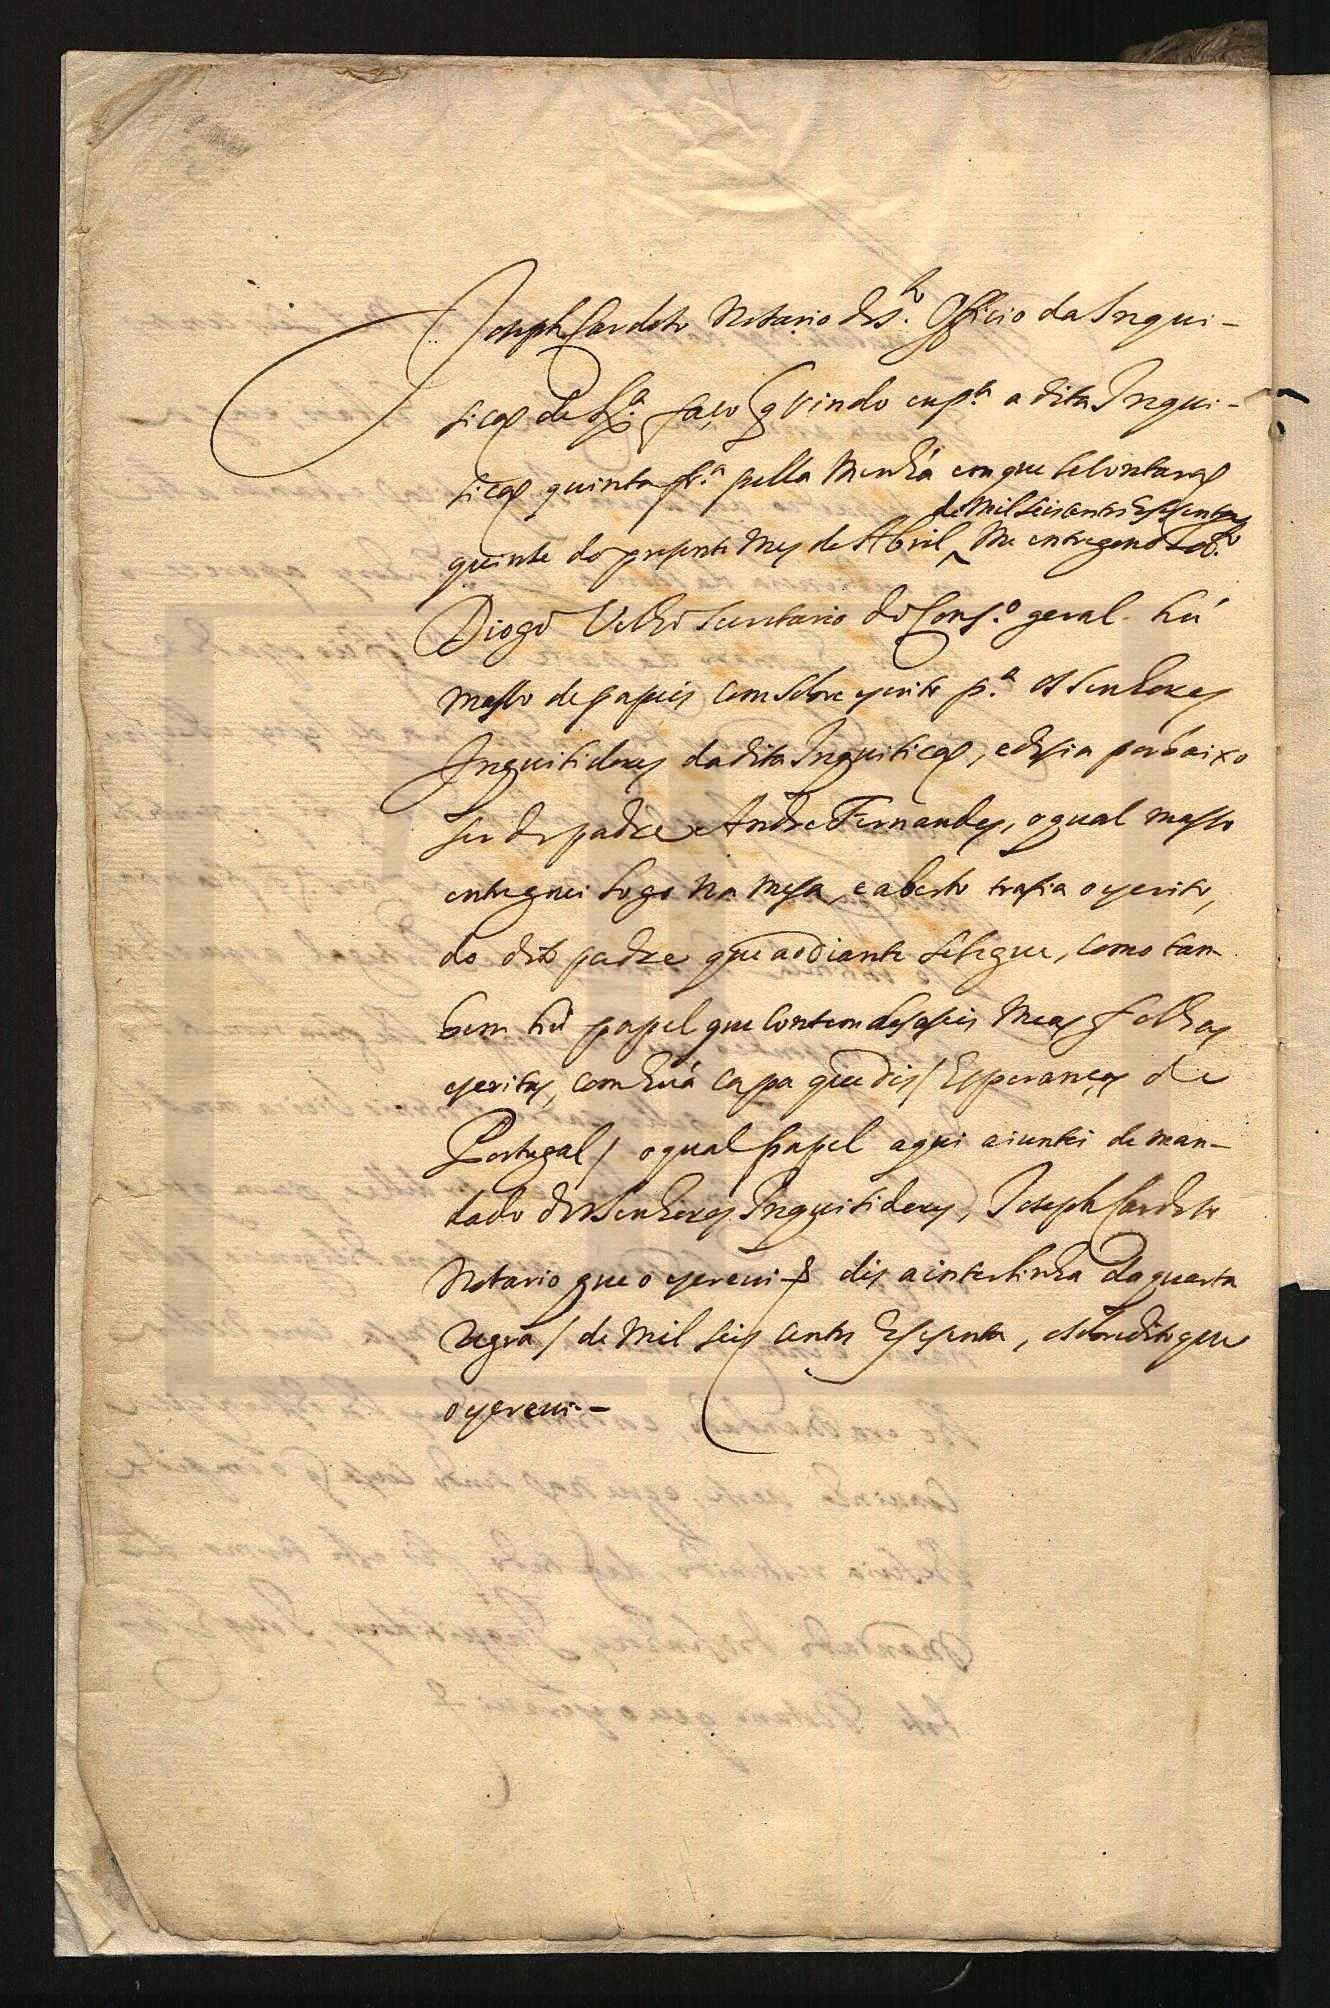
Joseph Cardoso Notario do s.to Officio da Inqui
siçaꝭ de Lx.a faço q̄ vindo eu p.a a dita Inqui
siçaꝭ quinta fr.a pella Menhā em que se contaraꝭ
quinse do presente mes de Abril
de mil seiscentos E sesenta
me entregou o Ld.o
Diogo Velho Secretario do Cons.o geral hū
masso de papeis com sobre escrito p.a os Senhores
Jnquisidores da dita Inquisiçaꝭ, e disia por baixo
ser do padre Andre Fernandes, o qual masso
entreguei Logo na mesa, e aberto trasia o escrito,
do dito padre que ao diante se segue, como tam
bem hū papel que contem desaseis meas folhas
escritas, com huā capa que dis / Esperanças de
Portugal / o qual papel aqui aiuntei de man
dado dos Senhores Inquisidores, Ioseph Cardoso
Notario que o escrevi
dis a interlinha da quarta
Regra / de mil seis centos E sesenta, o sobredito que
o escreui -
